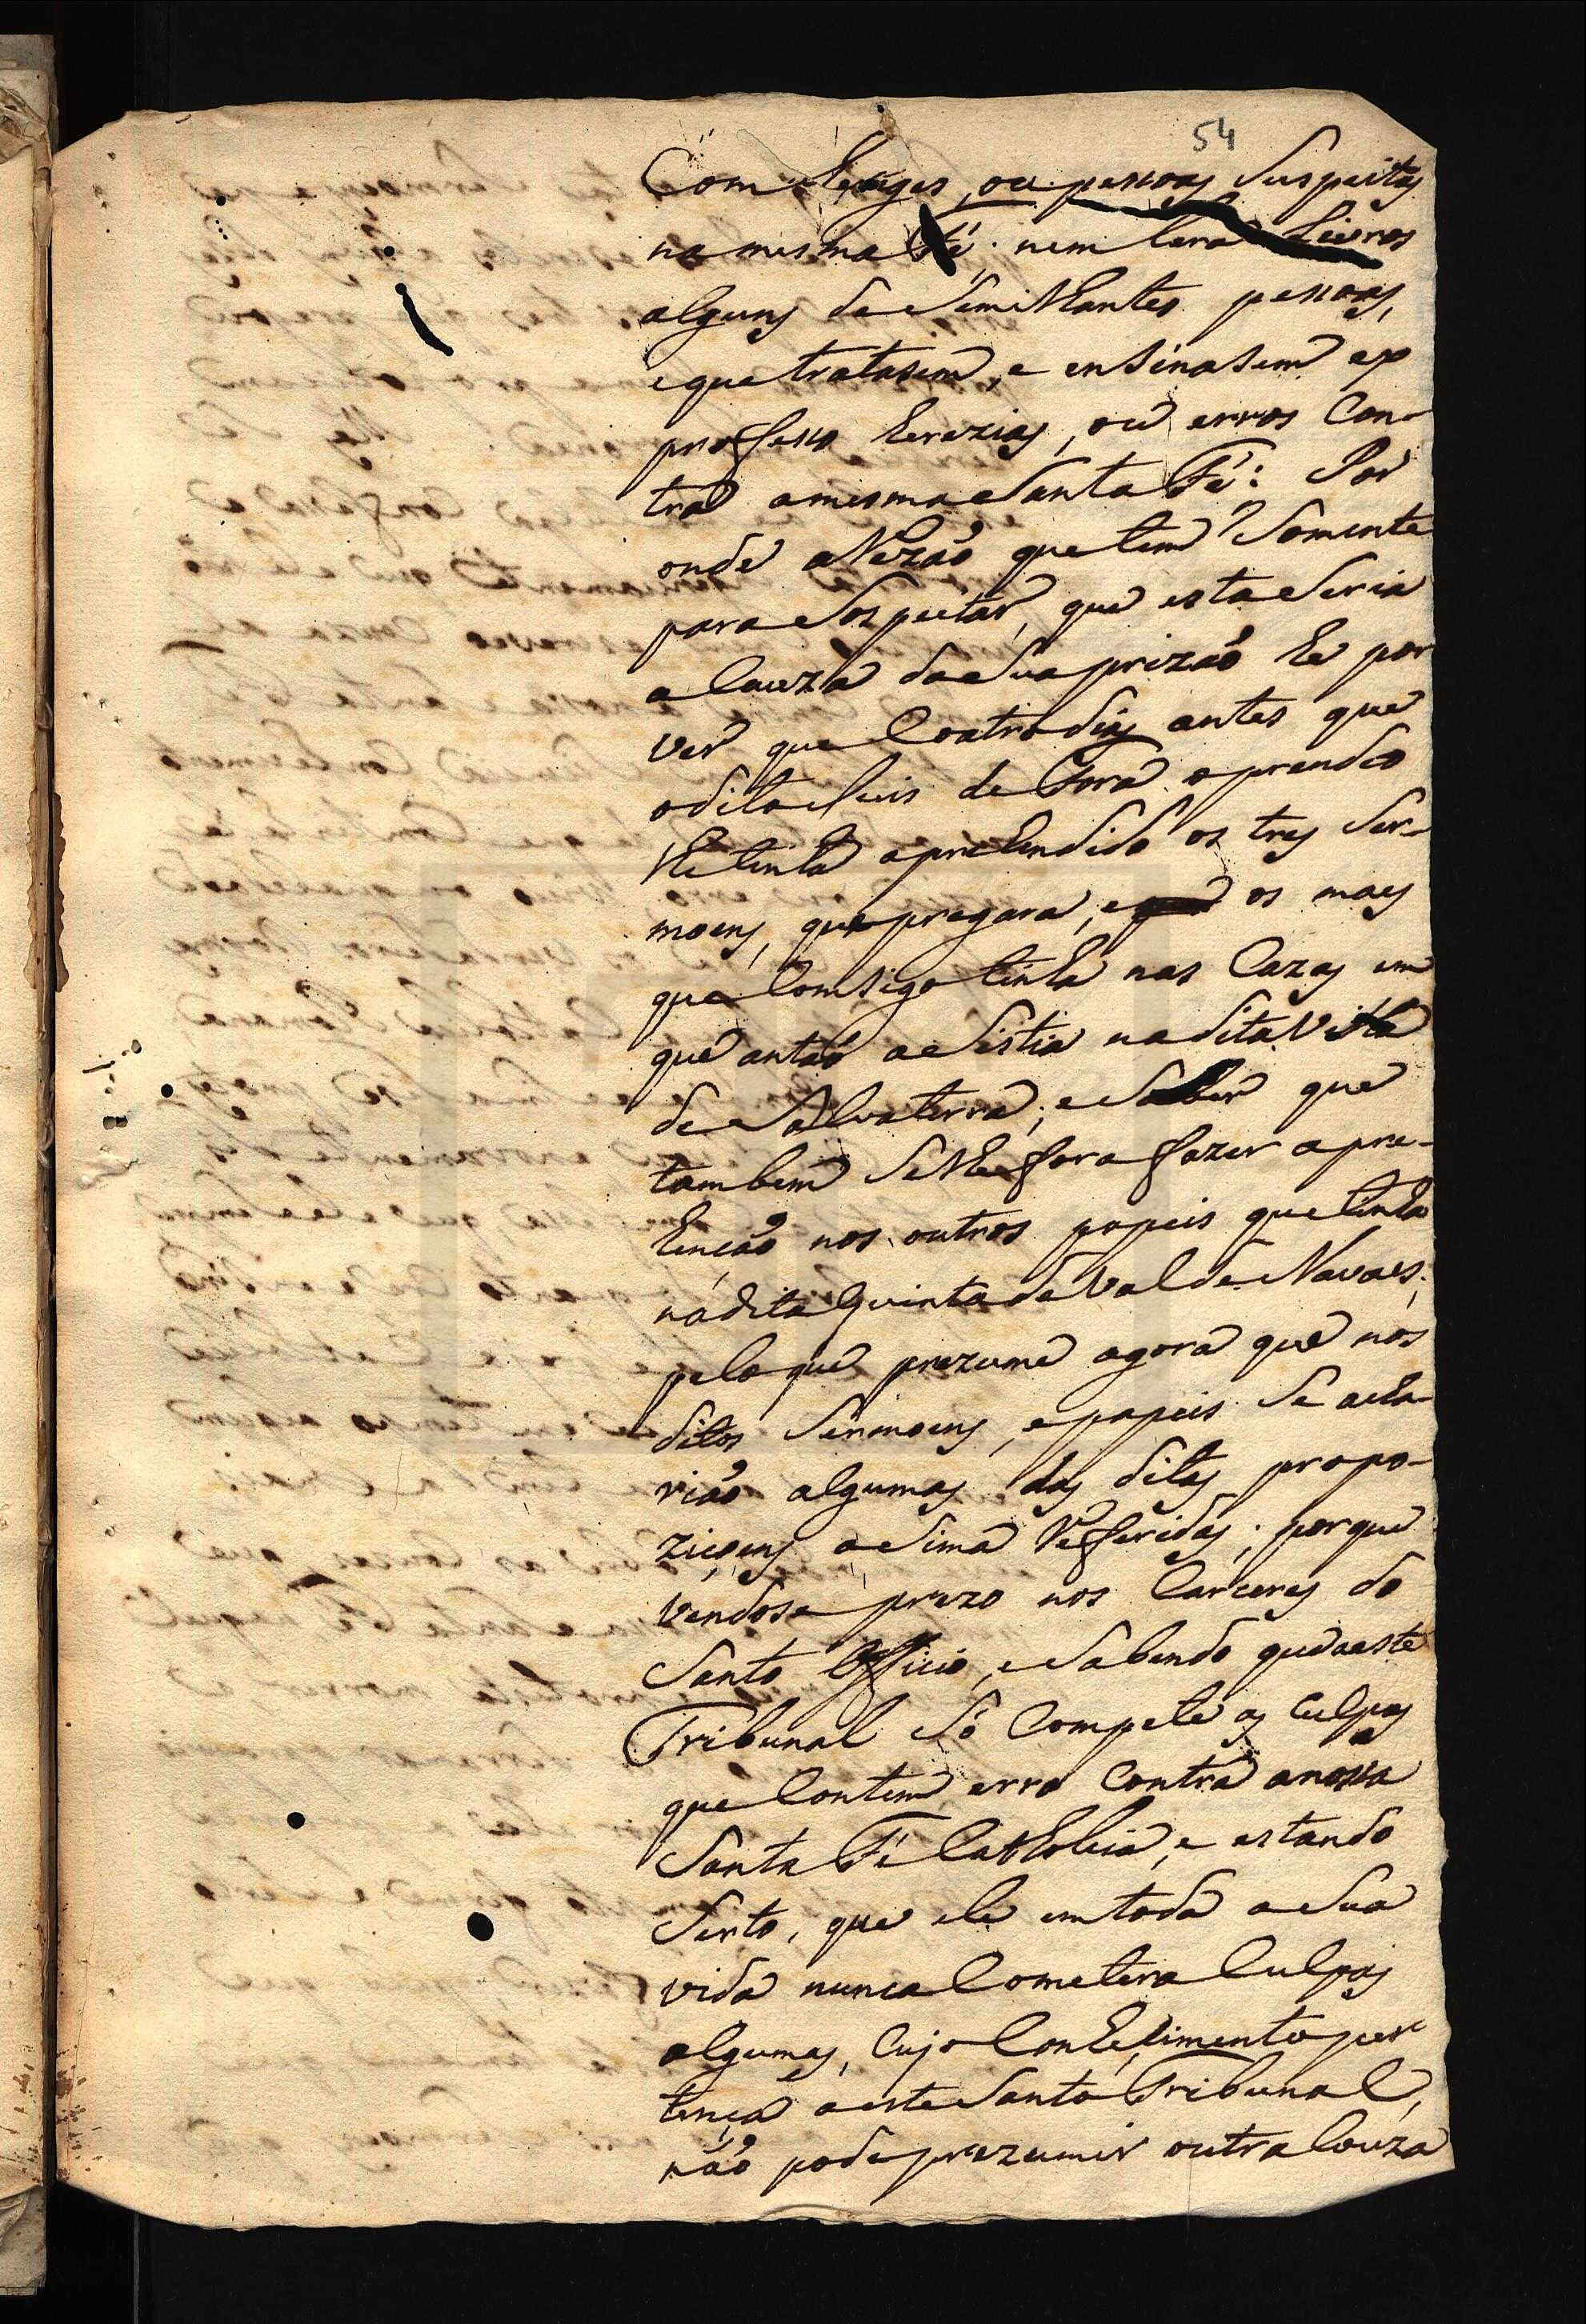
Com hereges, ou pessoas Suspeitas
na mesma Fé; nem Lera Livros
alguns de Semilhantes pessoas,
e que tratasem, e ensinasem ex
professo herezias, ou erros con
tra a mesma Santa Fé: por
onde a Rezaõ que tem? Somente
para Sospeitar, que esta seria
a Cauza da sua prizaõ he por
ver que Coatro dias antes que
o dito Iuis de Fora o prendeo
lhe tinha aprehendido os tres Ser
moens, que pregara, e ___ os maes
que Comsigo tinha nas Cazas em
que antaõ aSistia na dita Villa
de Salvaterra; e S__er que
tambem se lhe fora fazer apre
hençaõ nos outros papeis que tinha
na dita quinta de val de Navaes;
pelo que prezume agora que nos
ditos Sermoens, e papeis se acha
riaõ algumas das ditas propo
ziçoens aSima Referidas; porque
vendose prezo nos Carceres do
Santo Officio, e Sabendo que a este
Tribunal Só Compete as Culpas
que Contem erro contra a nossa
Santa Fé Catholica, e estando
Serto, que ele em toda a Sua
vida nunca Cometera Culpas
algumas, Cujo Conheçimento per
tença a este Santo Tribunal,
naõ pode prezumir outra Couza
